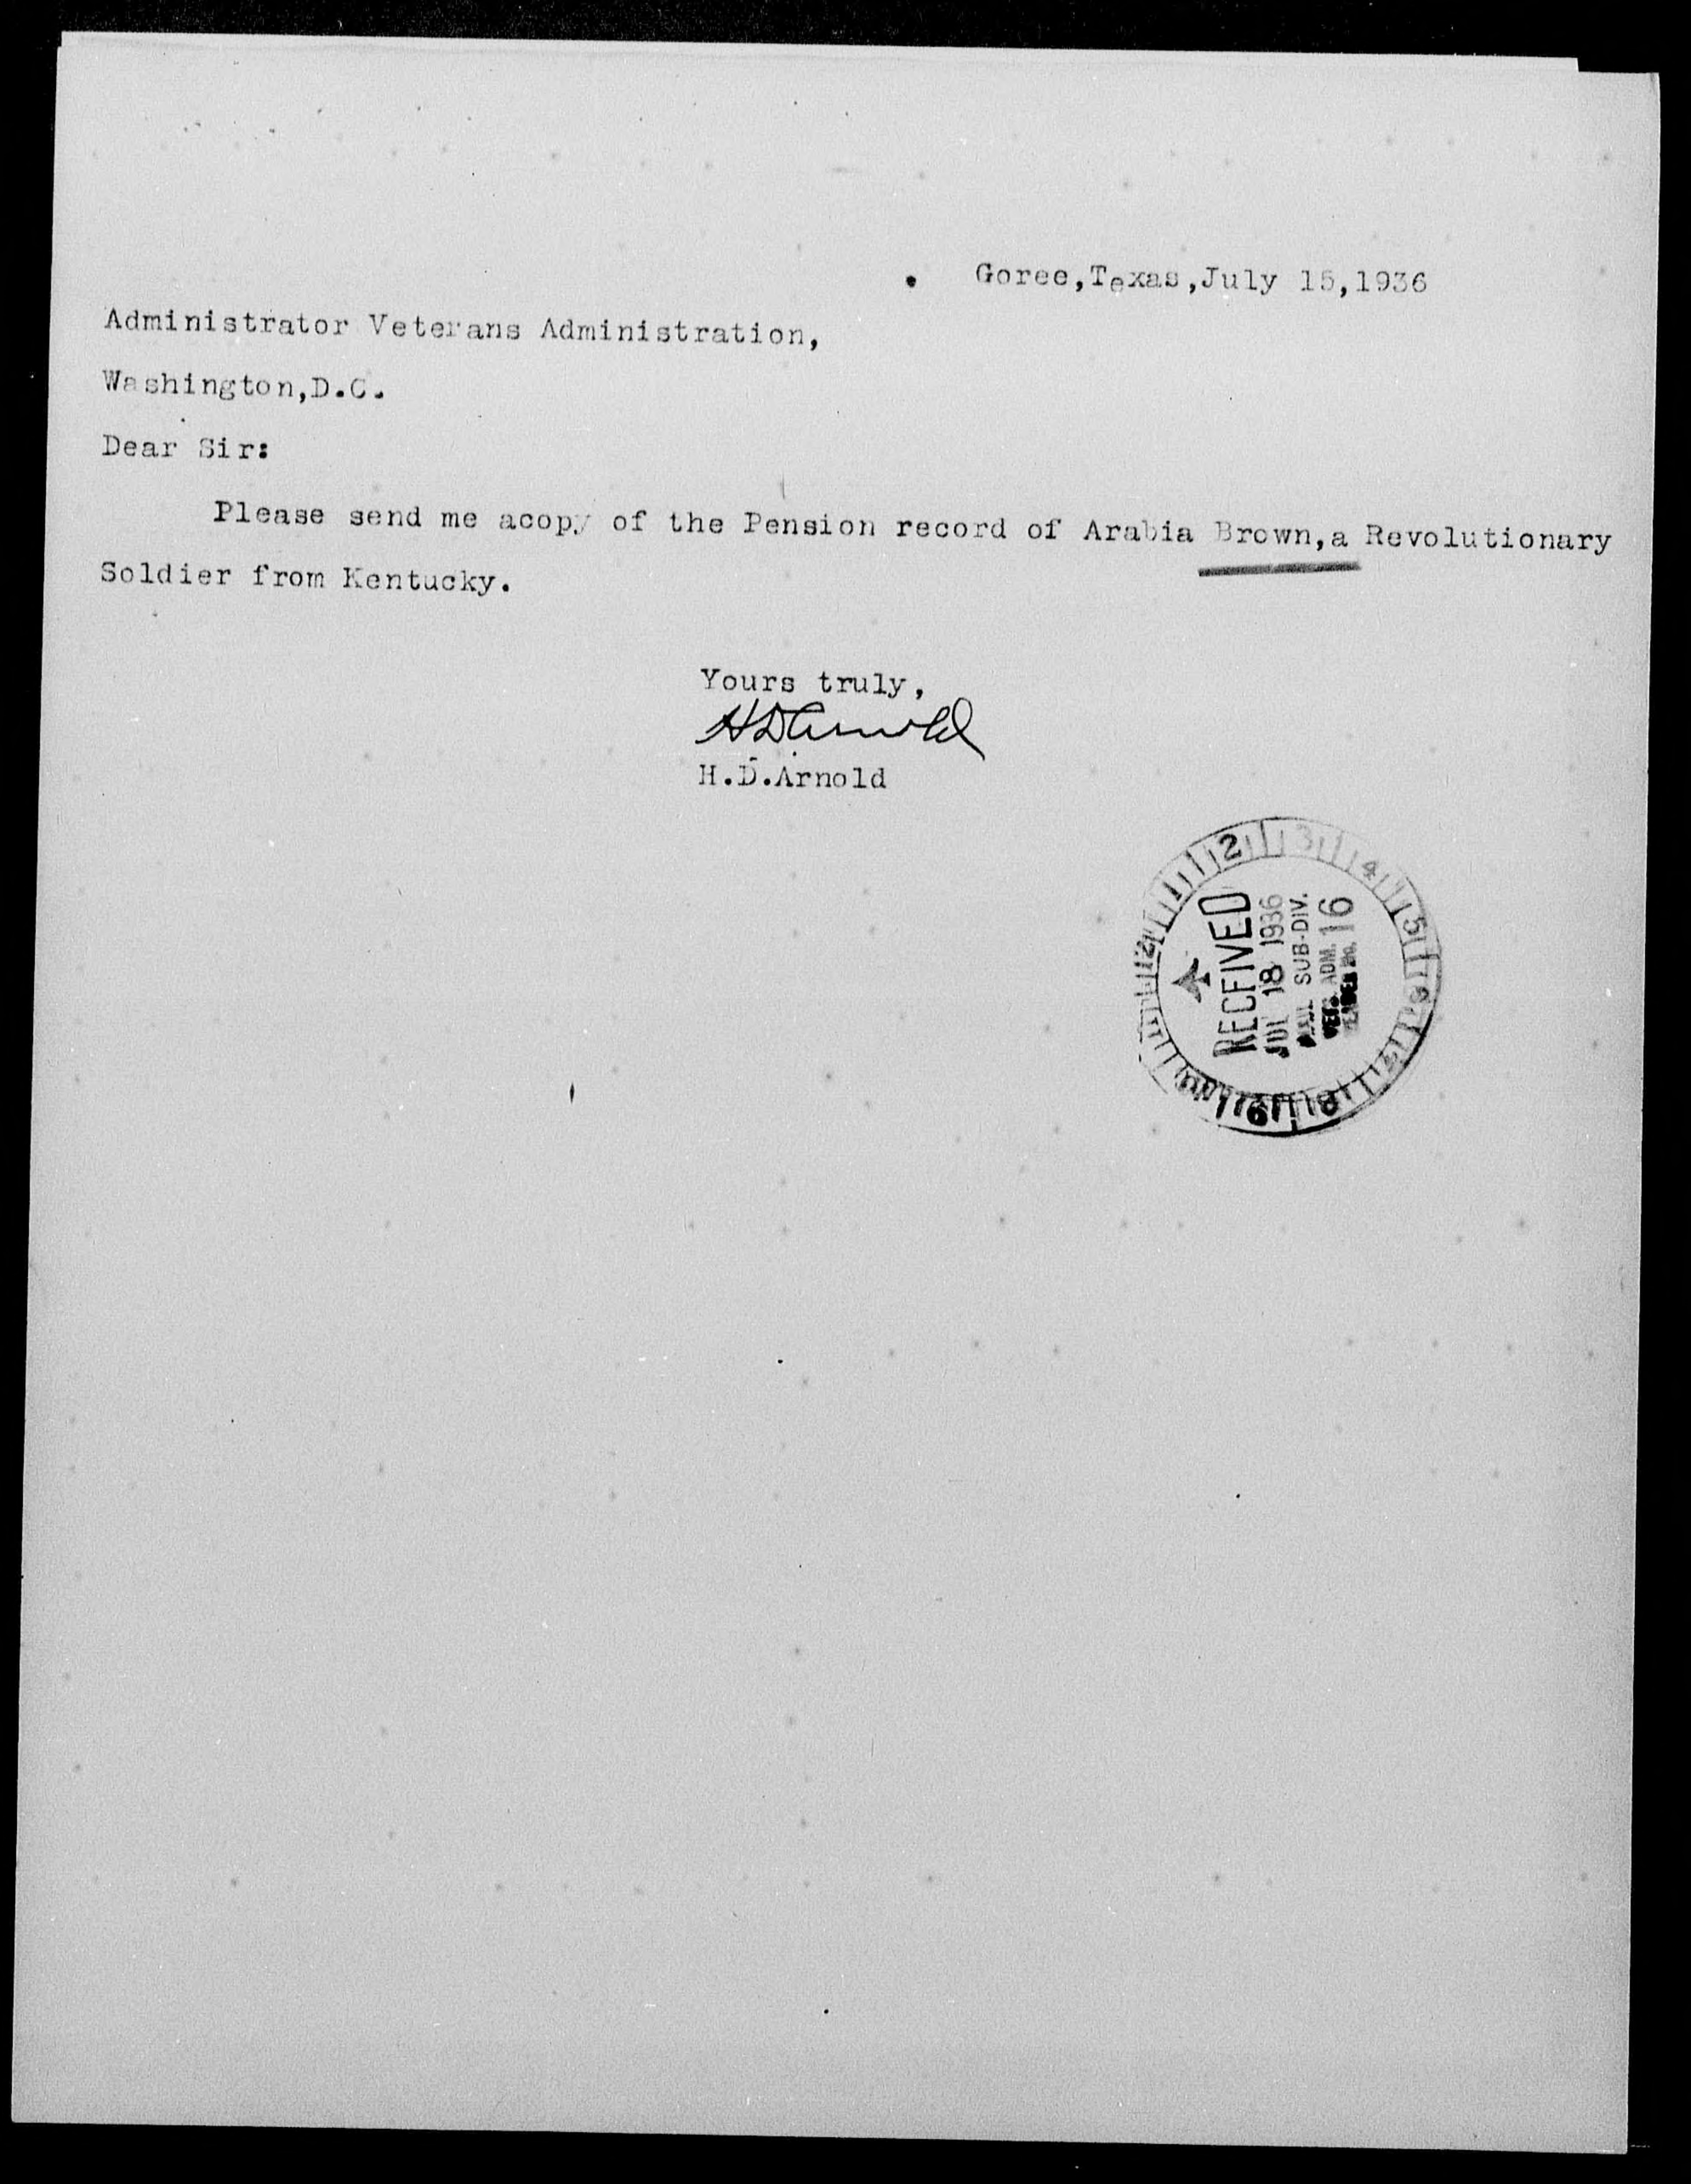Goree, Texas, July 15, 1936

Administrator Veterans Administration,
Washington, D.C.

Dear Sir:

Please send me a copy of the Pension record of
Arabia Brown, a Revolutionary
Soldier from Kentucky.

Yours truly,

H.D. Arnold

STAMP:
Received July 18 1936
--- Sub-Div
Admin 16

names: Arabia Brown, H D Arnold, H D Arnold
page: 29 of 65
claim: widow's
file: W. 8384, Arabia Brown, Va.